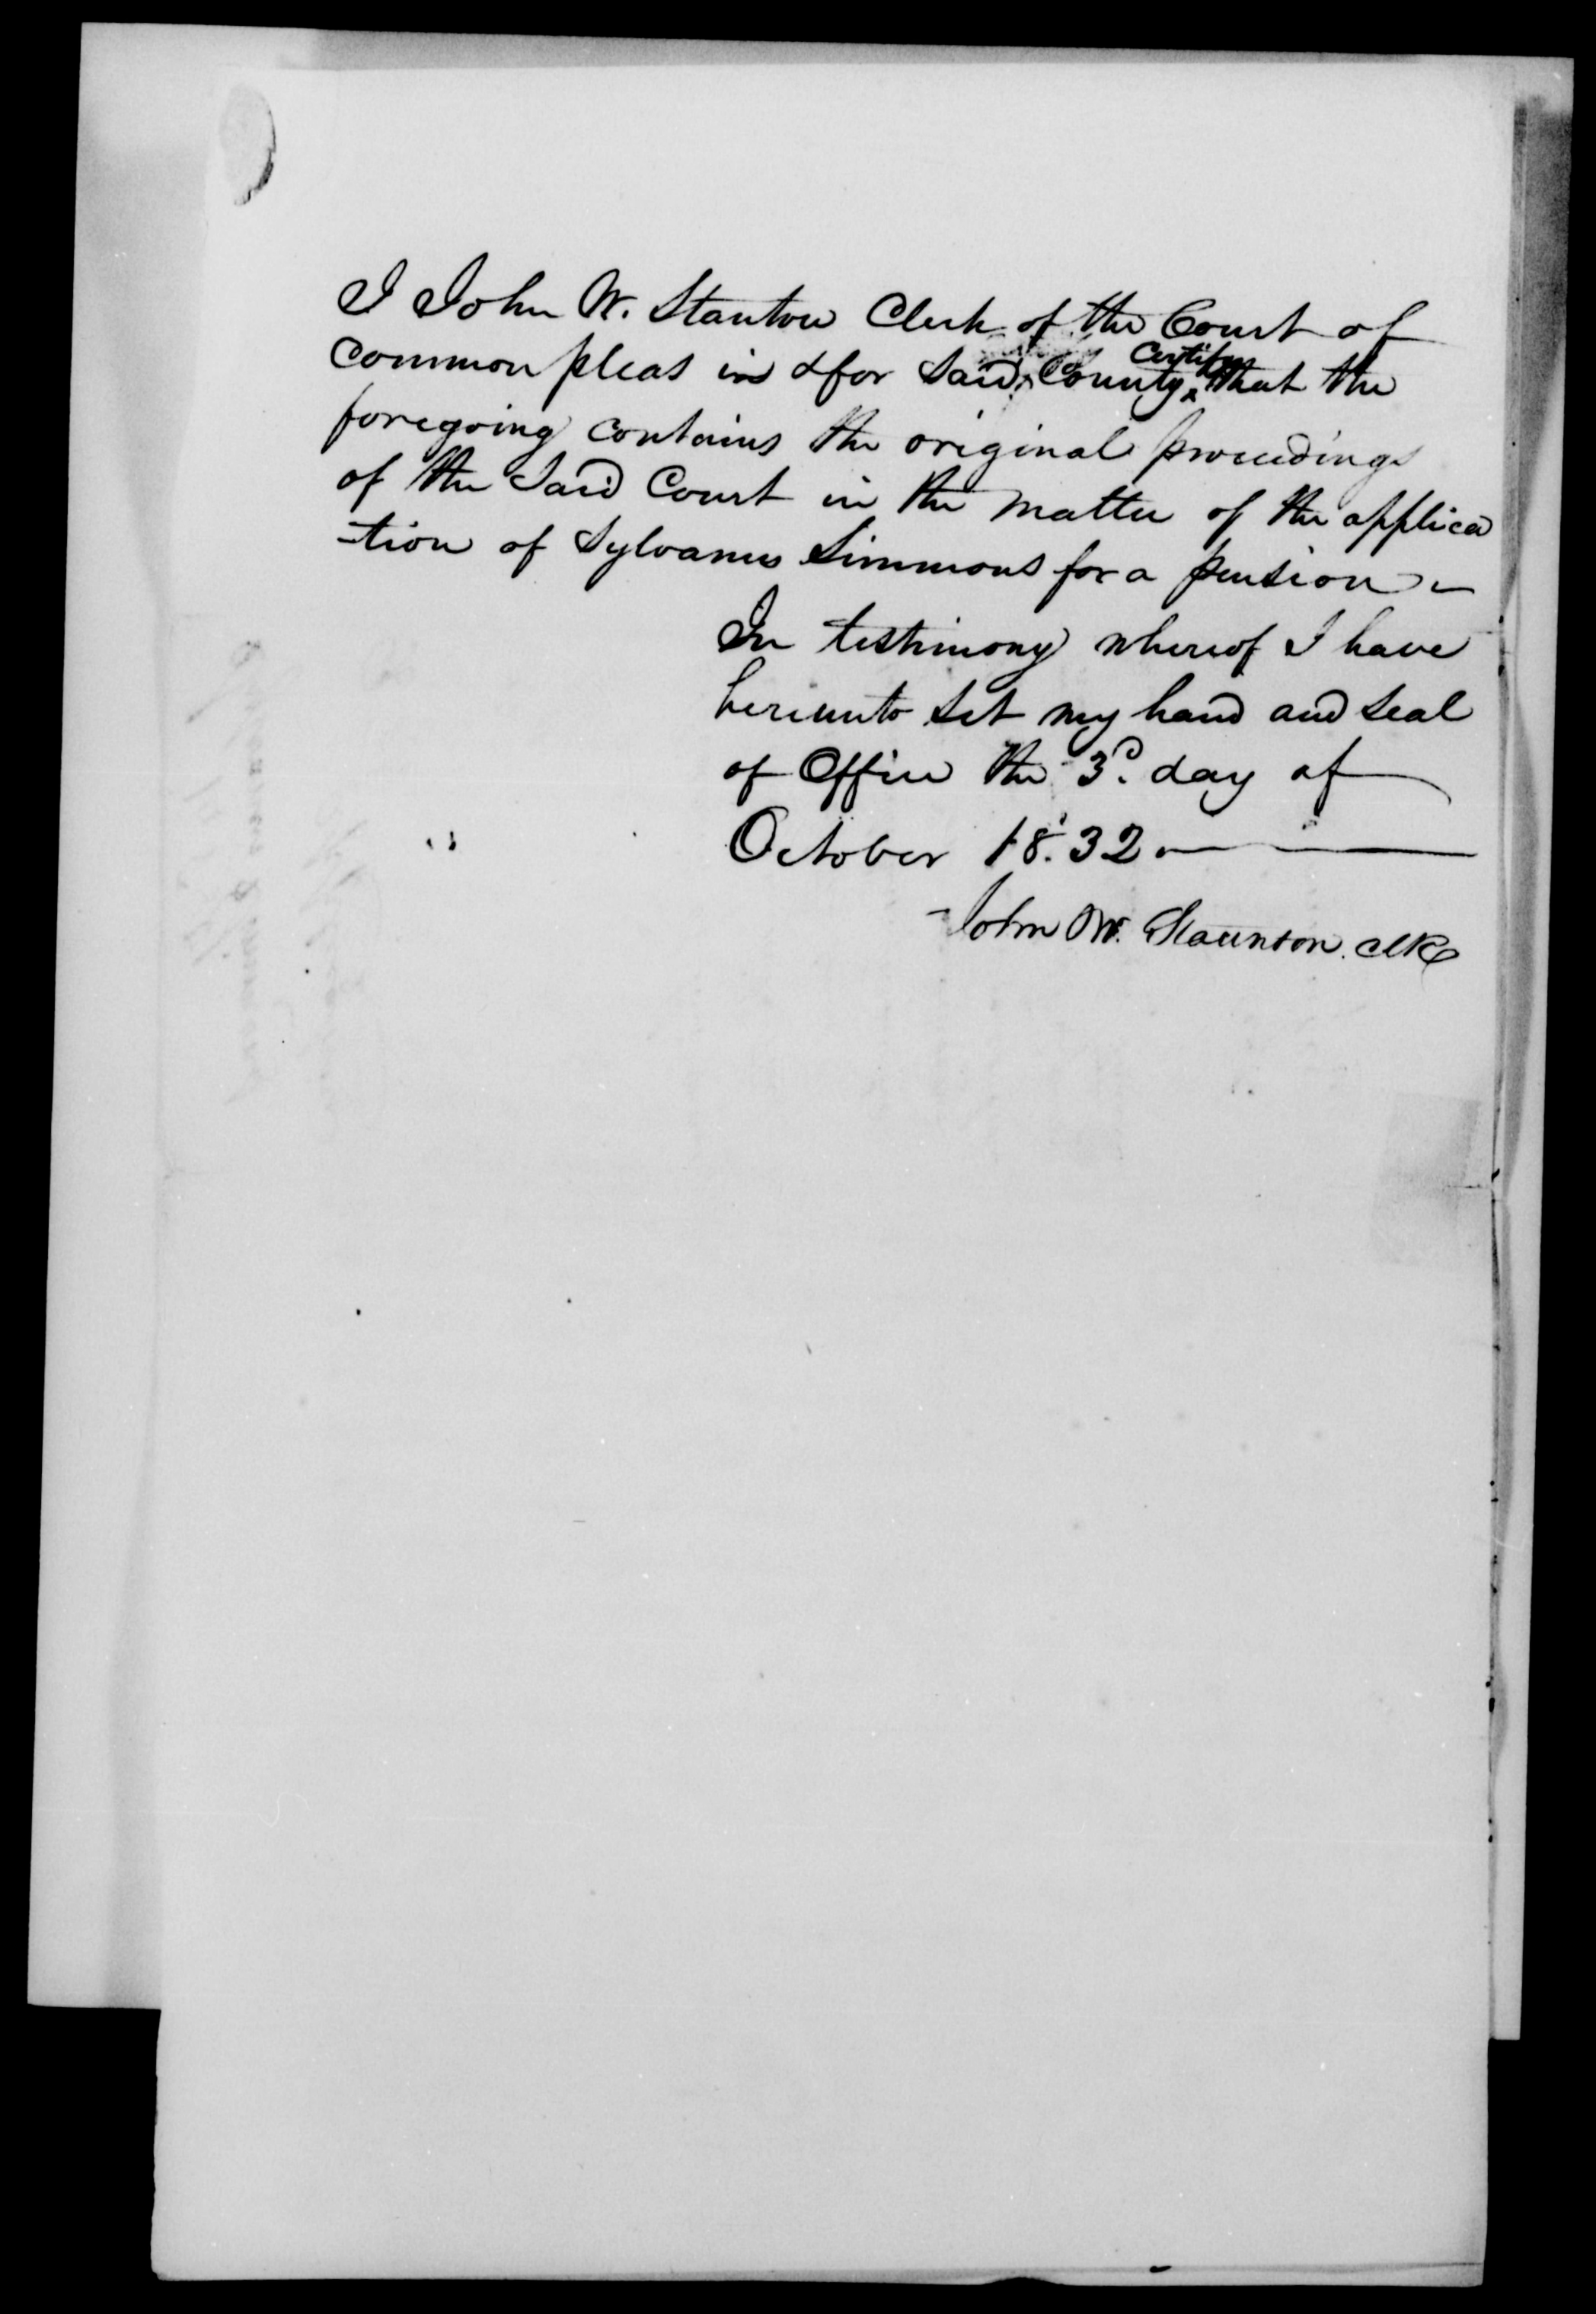I John W. Stanton Clerk of the Court of
Common pleas in & for said County certifies that the
foregoing contains the original proceedings
of the said Court in the matter of the application
of Sylvanus Simmons for a pension-
In testimony whereof I have
hereunto set my hand and Seal
of Office the 3d day of
October 1832-
---
John W. Stanton, clk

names: John W Staunton; Sylvanus Simmons; John W Stanton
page: 6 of 31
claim: survivor's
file: S. 14484, for Sylvanus Simmons, New York